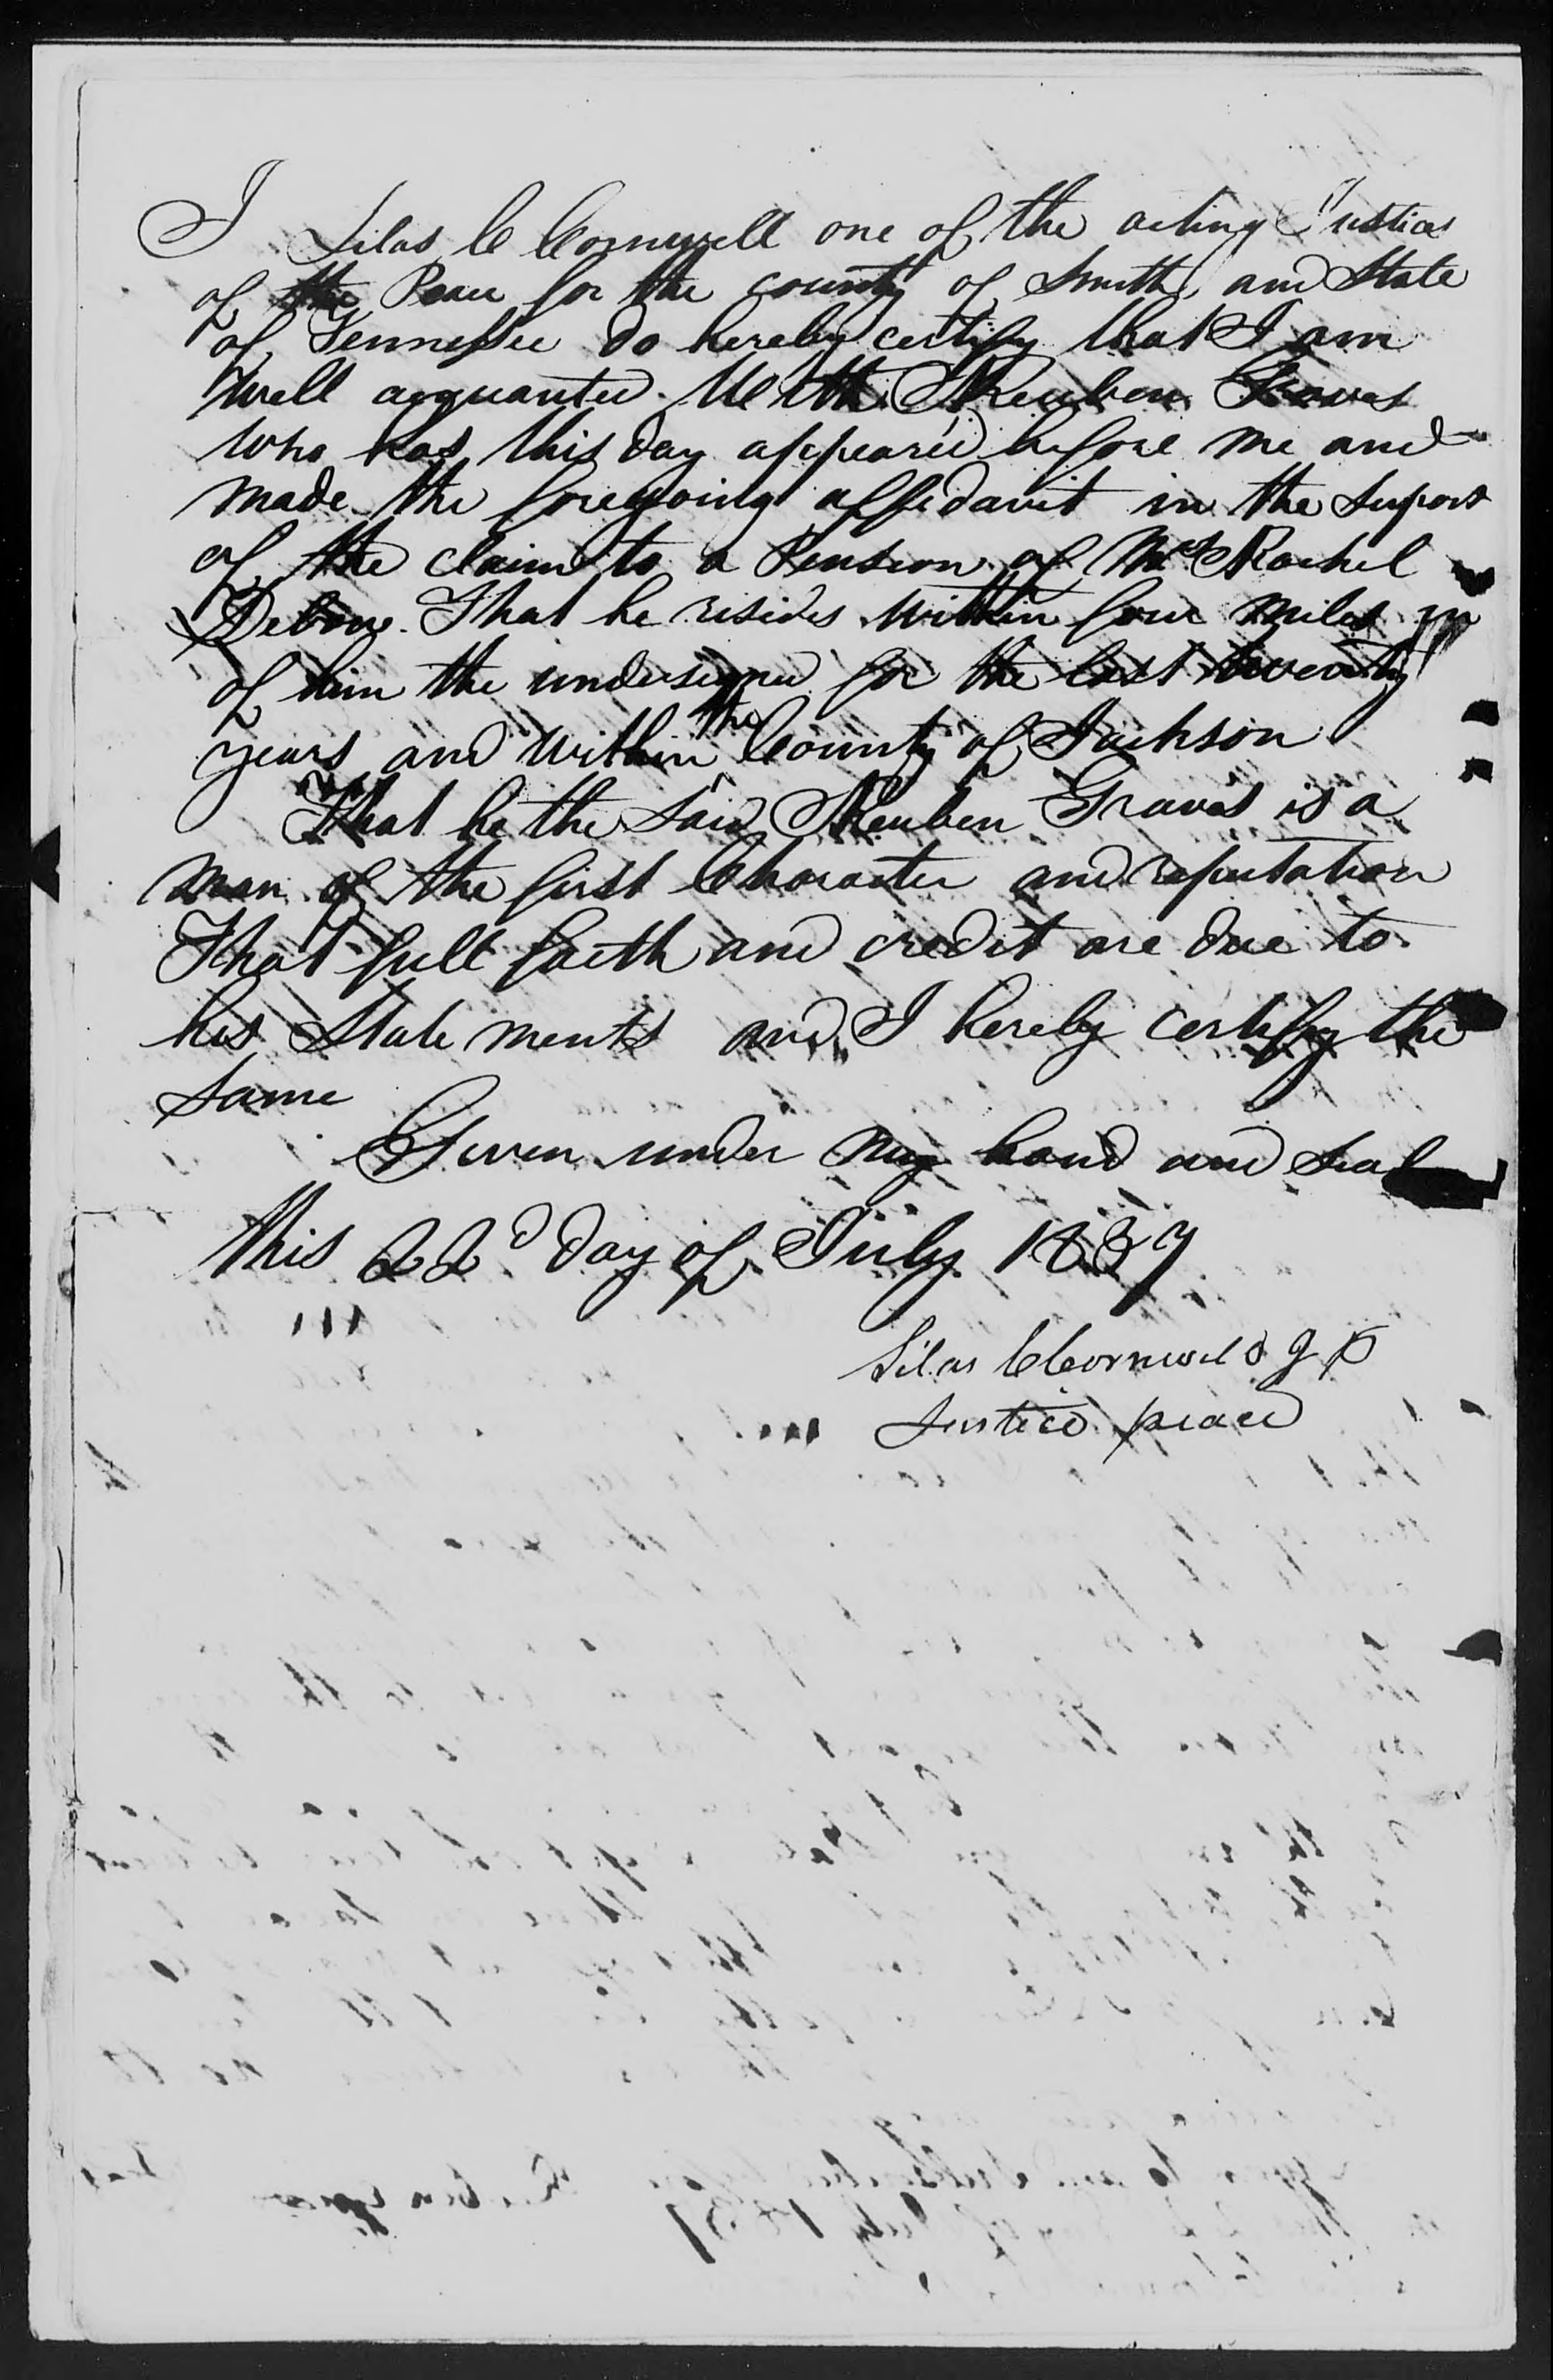I Silas C Cornwell one of the acting Justice of the Peace for the county of Smith and State of Tennessee do hereby certify that I am well acquainted with the Ruben Graves who has this day appeared before me and made the foregoing affidavit in the support of the claims to a pension of Mrs Rachel Debow. That he resides within four miles in of him the undersigned for the last seventy years and within the county of Jackson.
That he then said Reuben Graves is a man of the first Character and respectable man. That felt faith and credit are due to his state mentioned and I hereby certify the same.
Given under my hand and seal [ink blot]
This 22nd day of July 1887
Silas C Cornwell & JP
Justice Peace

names: Reuben Graves, Rachel Debow, Silas C Cornwell, Reuben Graves, Silas C Cornwell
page: 56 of 62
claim: widow's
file: W 7005, Frederick Debow, N.C.